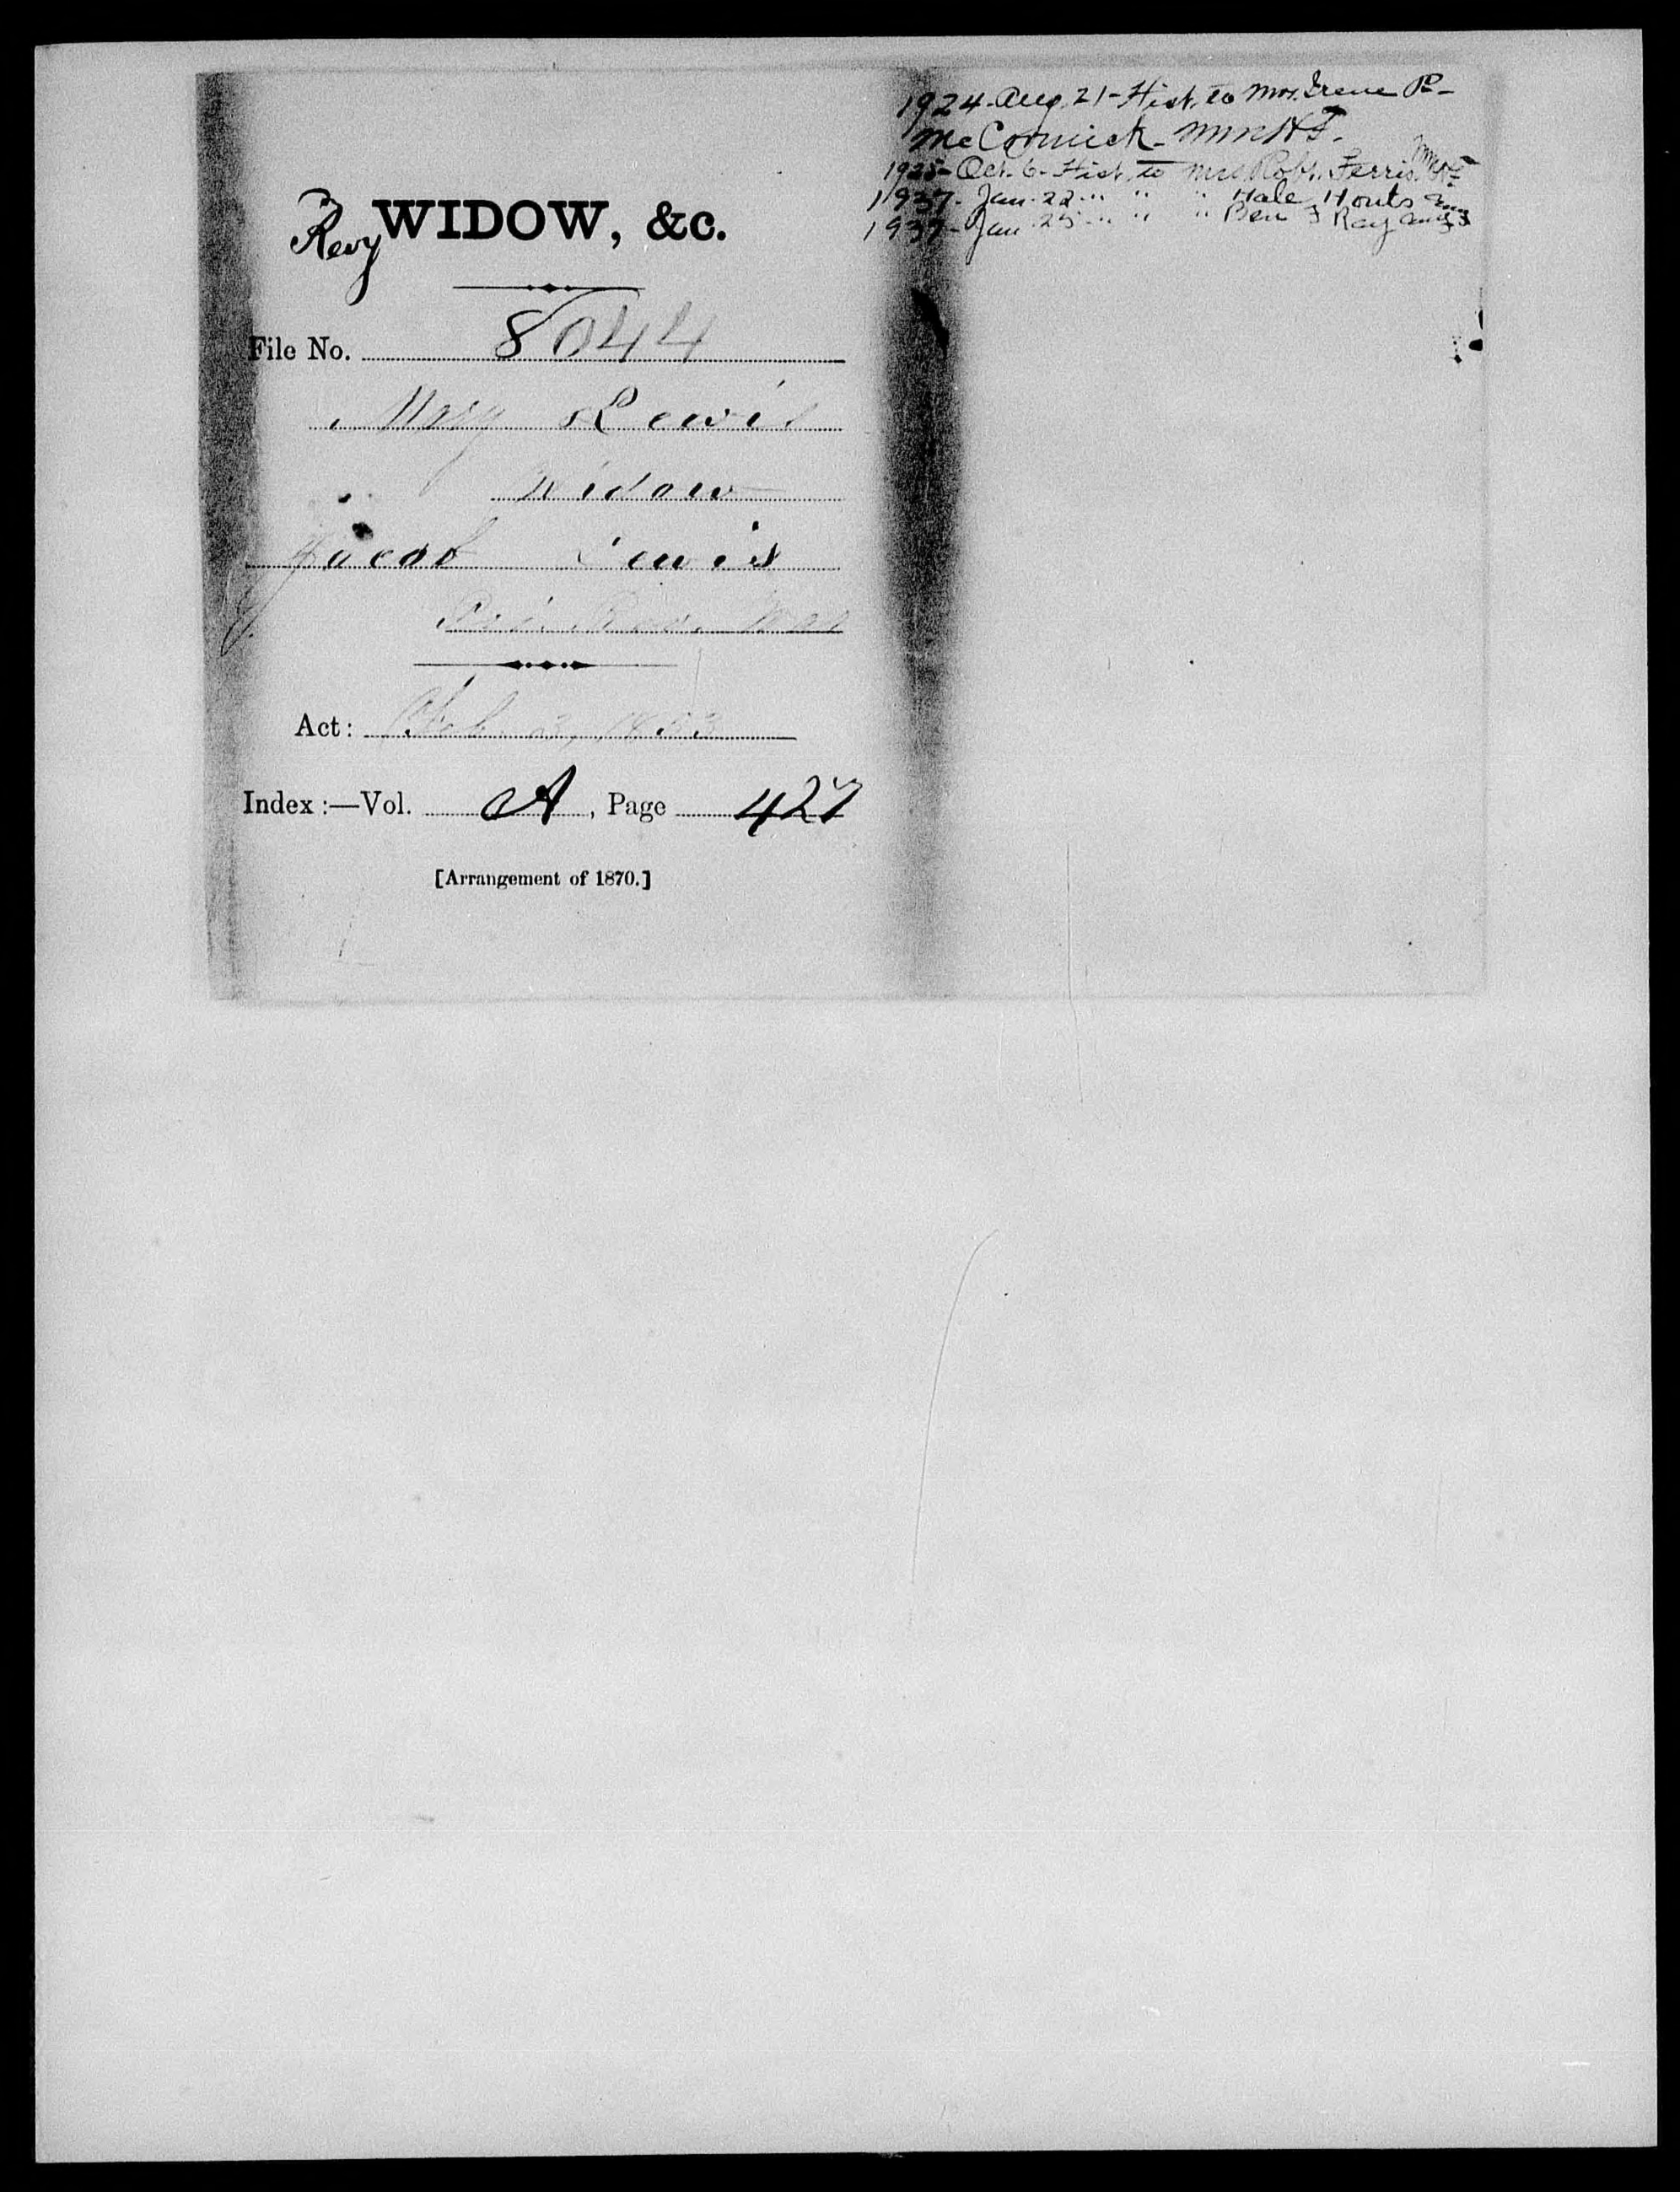Revy WIDOW, &c.
File No. 8044
Mary Lewis
Widow Jacob Lewis
Pri. Rev. War
Act: Feb 3, 1833
Index:—Vol. A, Page 427
[Arrangement of 1870.]

1924. Aug. 21 - Hist. to Mrs. Irene R. McCormick.  MMNF.
1925- Oct. 6. Hist. to Mrs. Robt. Ferris  MMNF
1937. Jan. 22.  "  "  " Hale Houts AWF
1937 - Jan 25.  "  "  "  Ben F Ray AWF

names: Robt Ferris; Irene R Mc Cormick; Ben F Ray; Mary Lewis; Hale Houts; Jacob Lewis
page: 34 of 69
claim: widow's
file: W 8044, for Jacob Lewis, Virginia